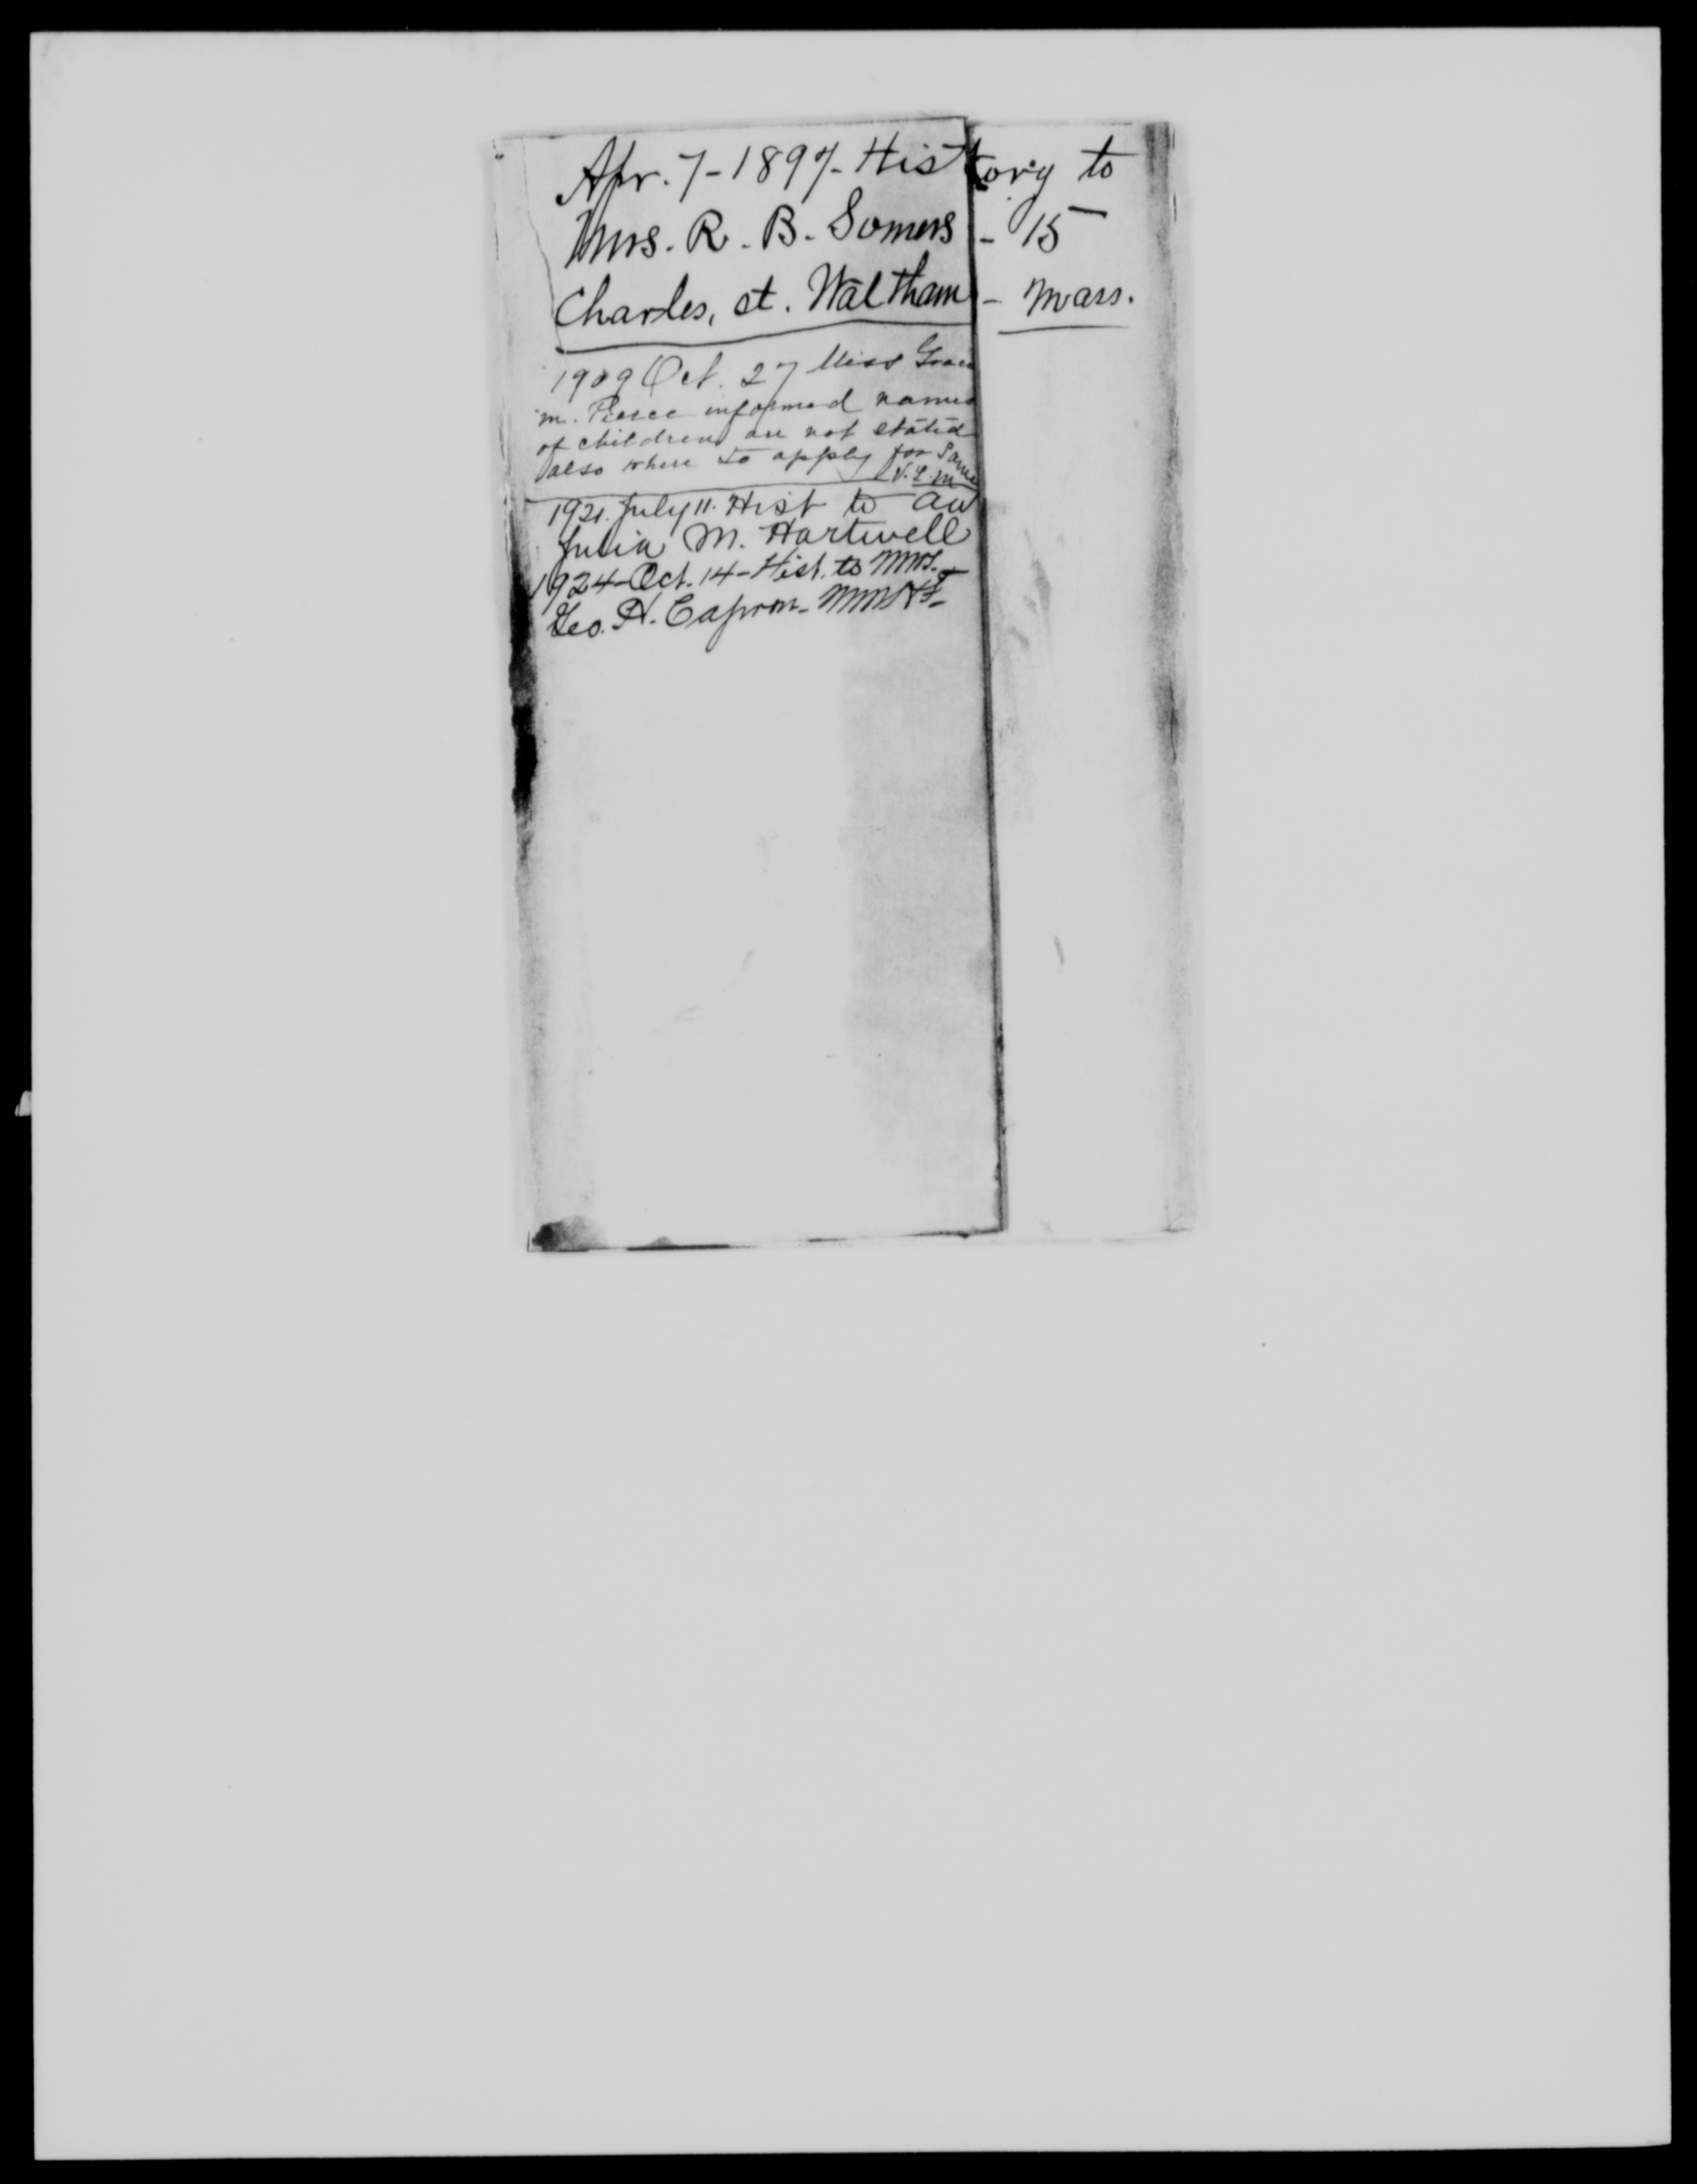Apr. 7 - 1897 - History to
Mrs. R. B. Somers - 15
Chares, st. Waltham - Mass.

1909 Oct. 27 Miss Grace
M. Pierce informed names
of children are not stated
also where to apply for same
V.L.M.

1921. July 11.  Hist to AW
Julia M. Hartwell

1924 - Oct. 14 - Hist. to (illegible)
Geo. H. Capron.  (illegible)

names: A W Julia M Hartwell, Geo H Capron, R B Somers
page: 34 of 34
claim: survivor's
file: S. 41337, Jared Wilcox, Continental Mass.